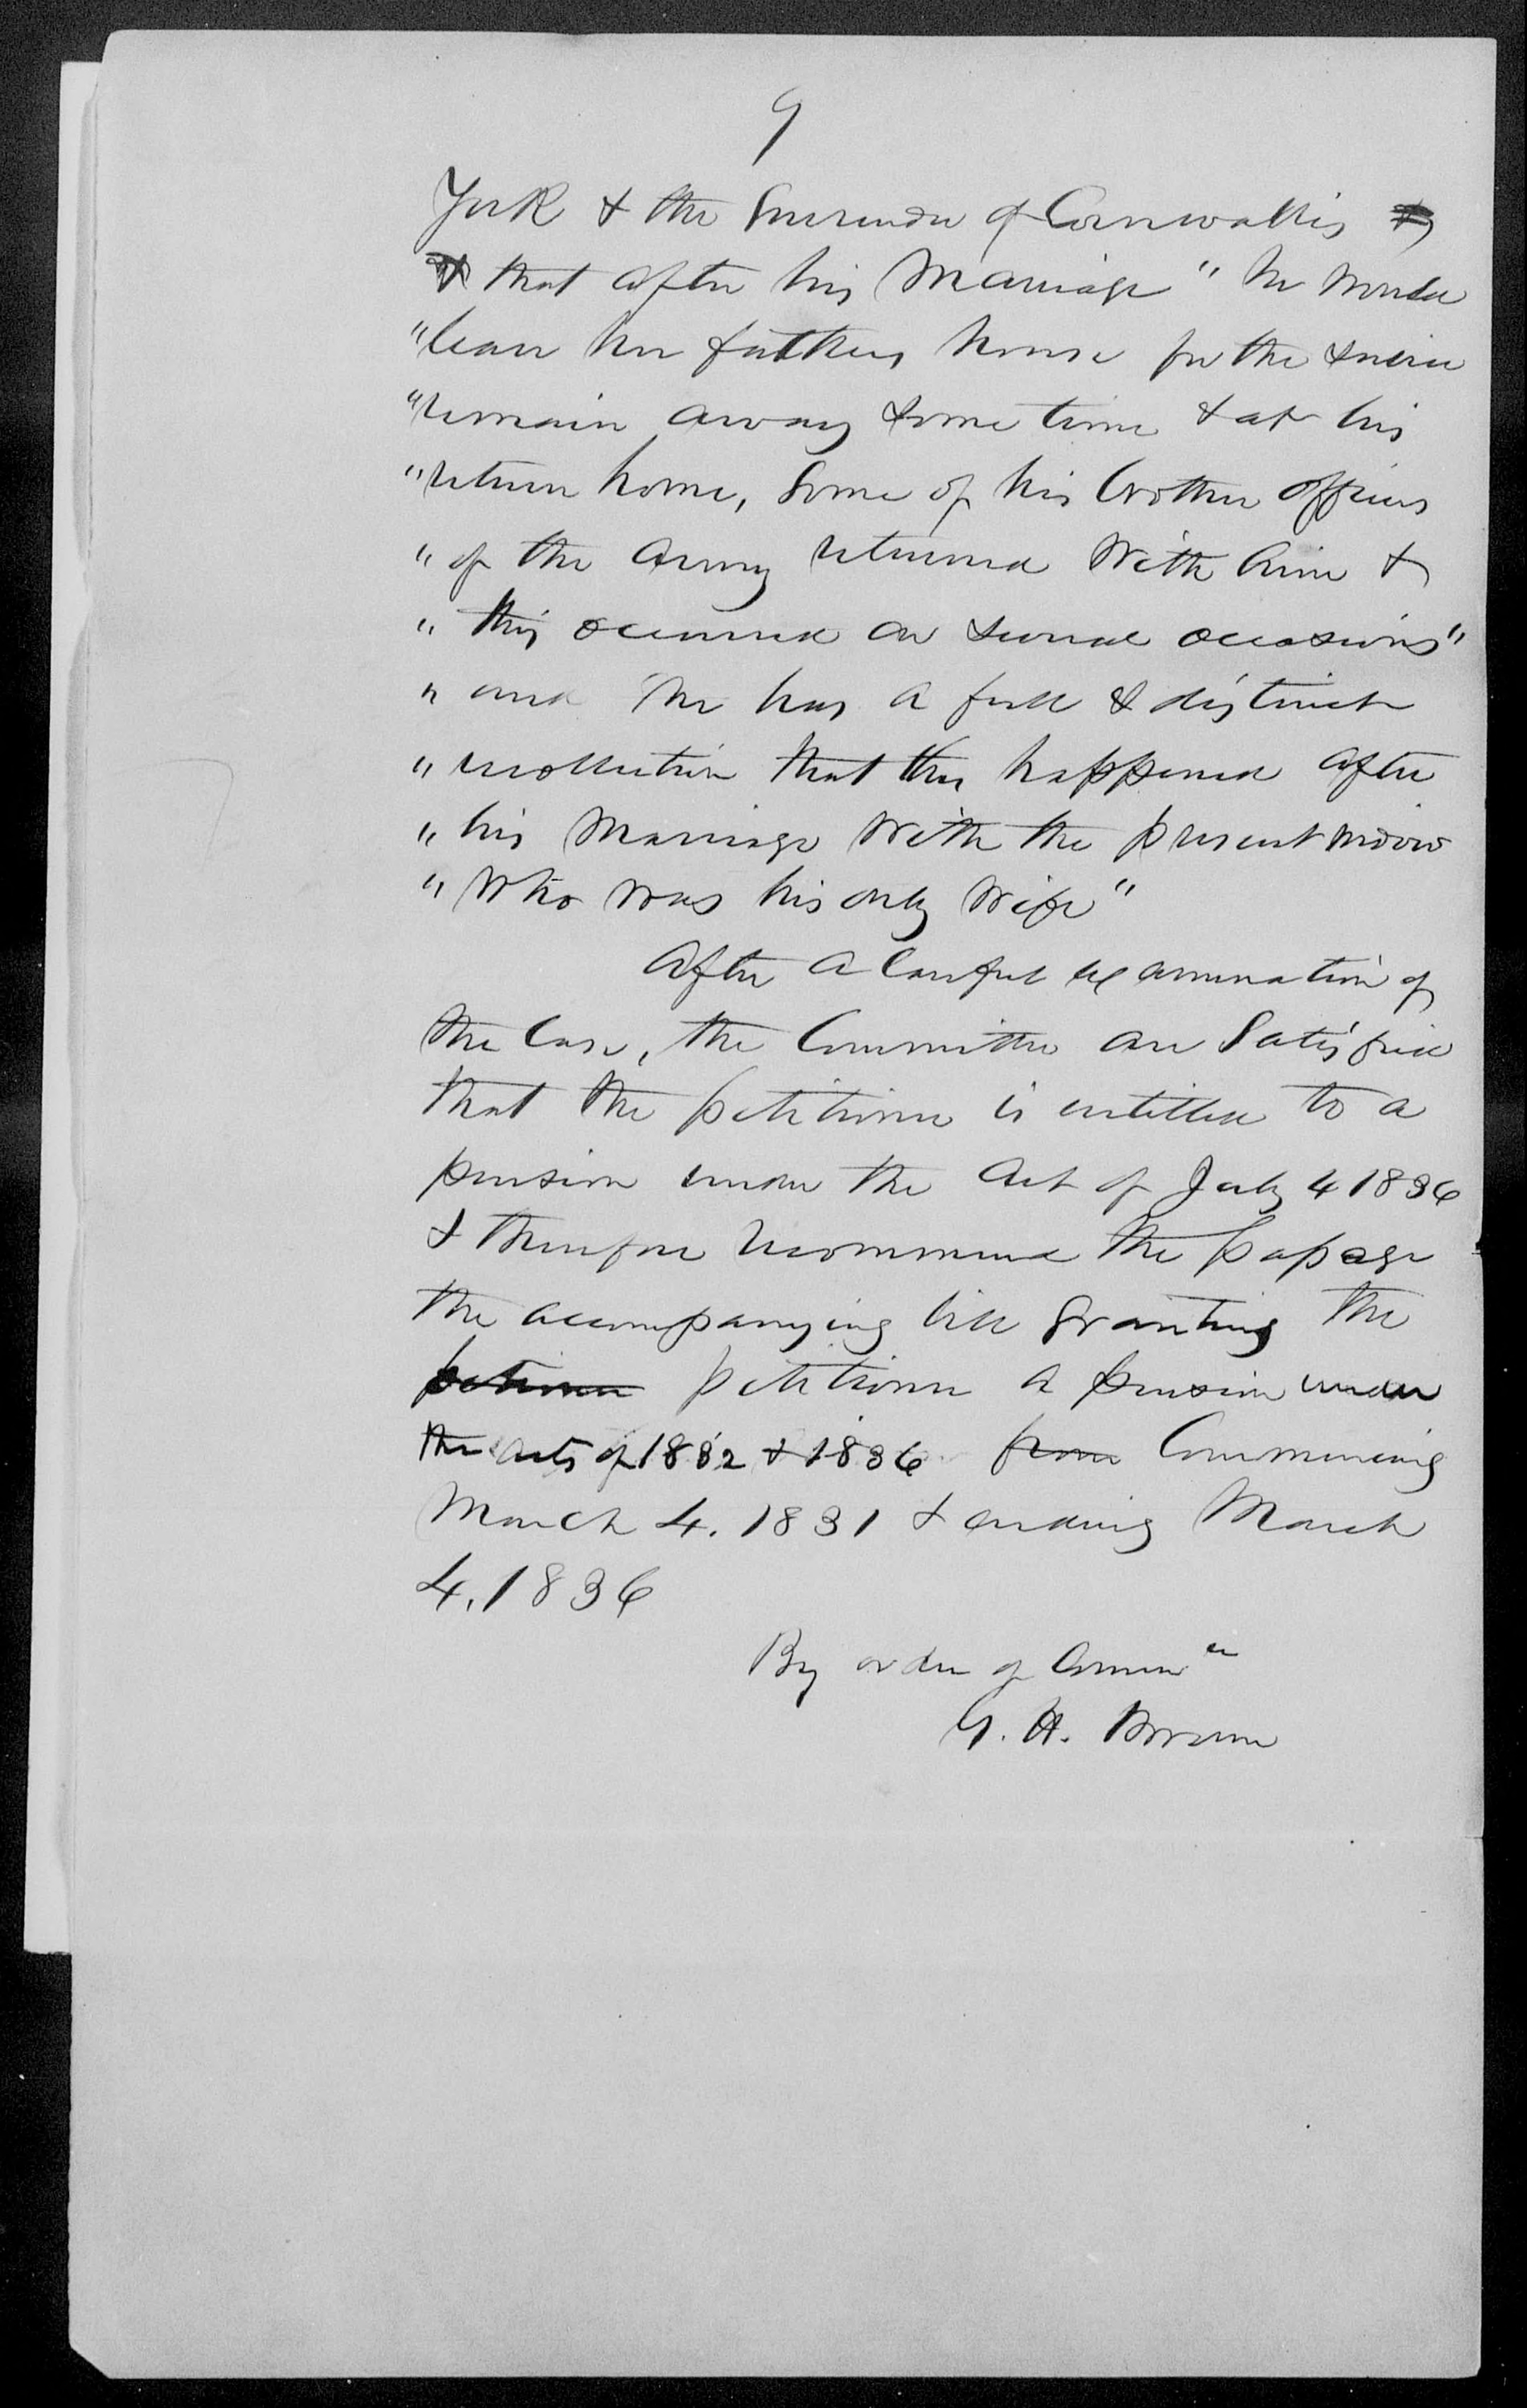9
York & the Surrender of Cornwallis & that after his marriage "In [?] his fathers house for the [?] remain away some time & at his return home, some of his brother officers of the Army returned with him & this occurred on several occasions" and Mr has a full & distinct recollection that this happened after his marriage with the present widow who was his only wife"
After a lawful examination of the case, the Committee are Satisfied that the petitioner is entitled to a pension under the Act of July 4, 1836 & therefor recommend the passage the accompanying bill granting petitioner a pension under the Acts of 1832 & 1836 [marked out: from] Commencing March 4, 1831 & ending March 4, 1836.
By order of Comm'ee
G. H. Brown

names: G H Brown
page: 257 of 267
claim: widow's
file: W. 4,149, William Campbell, Va.